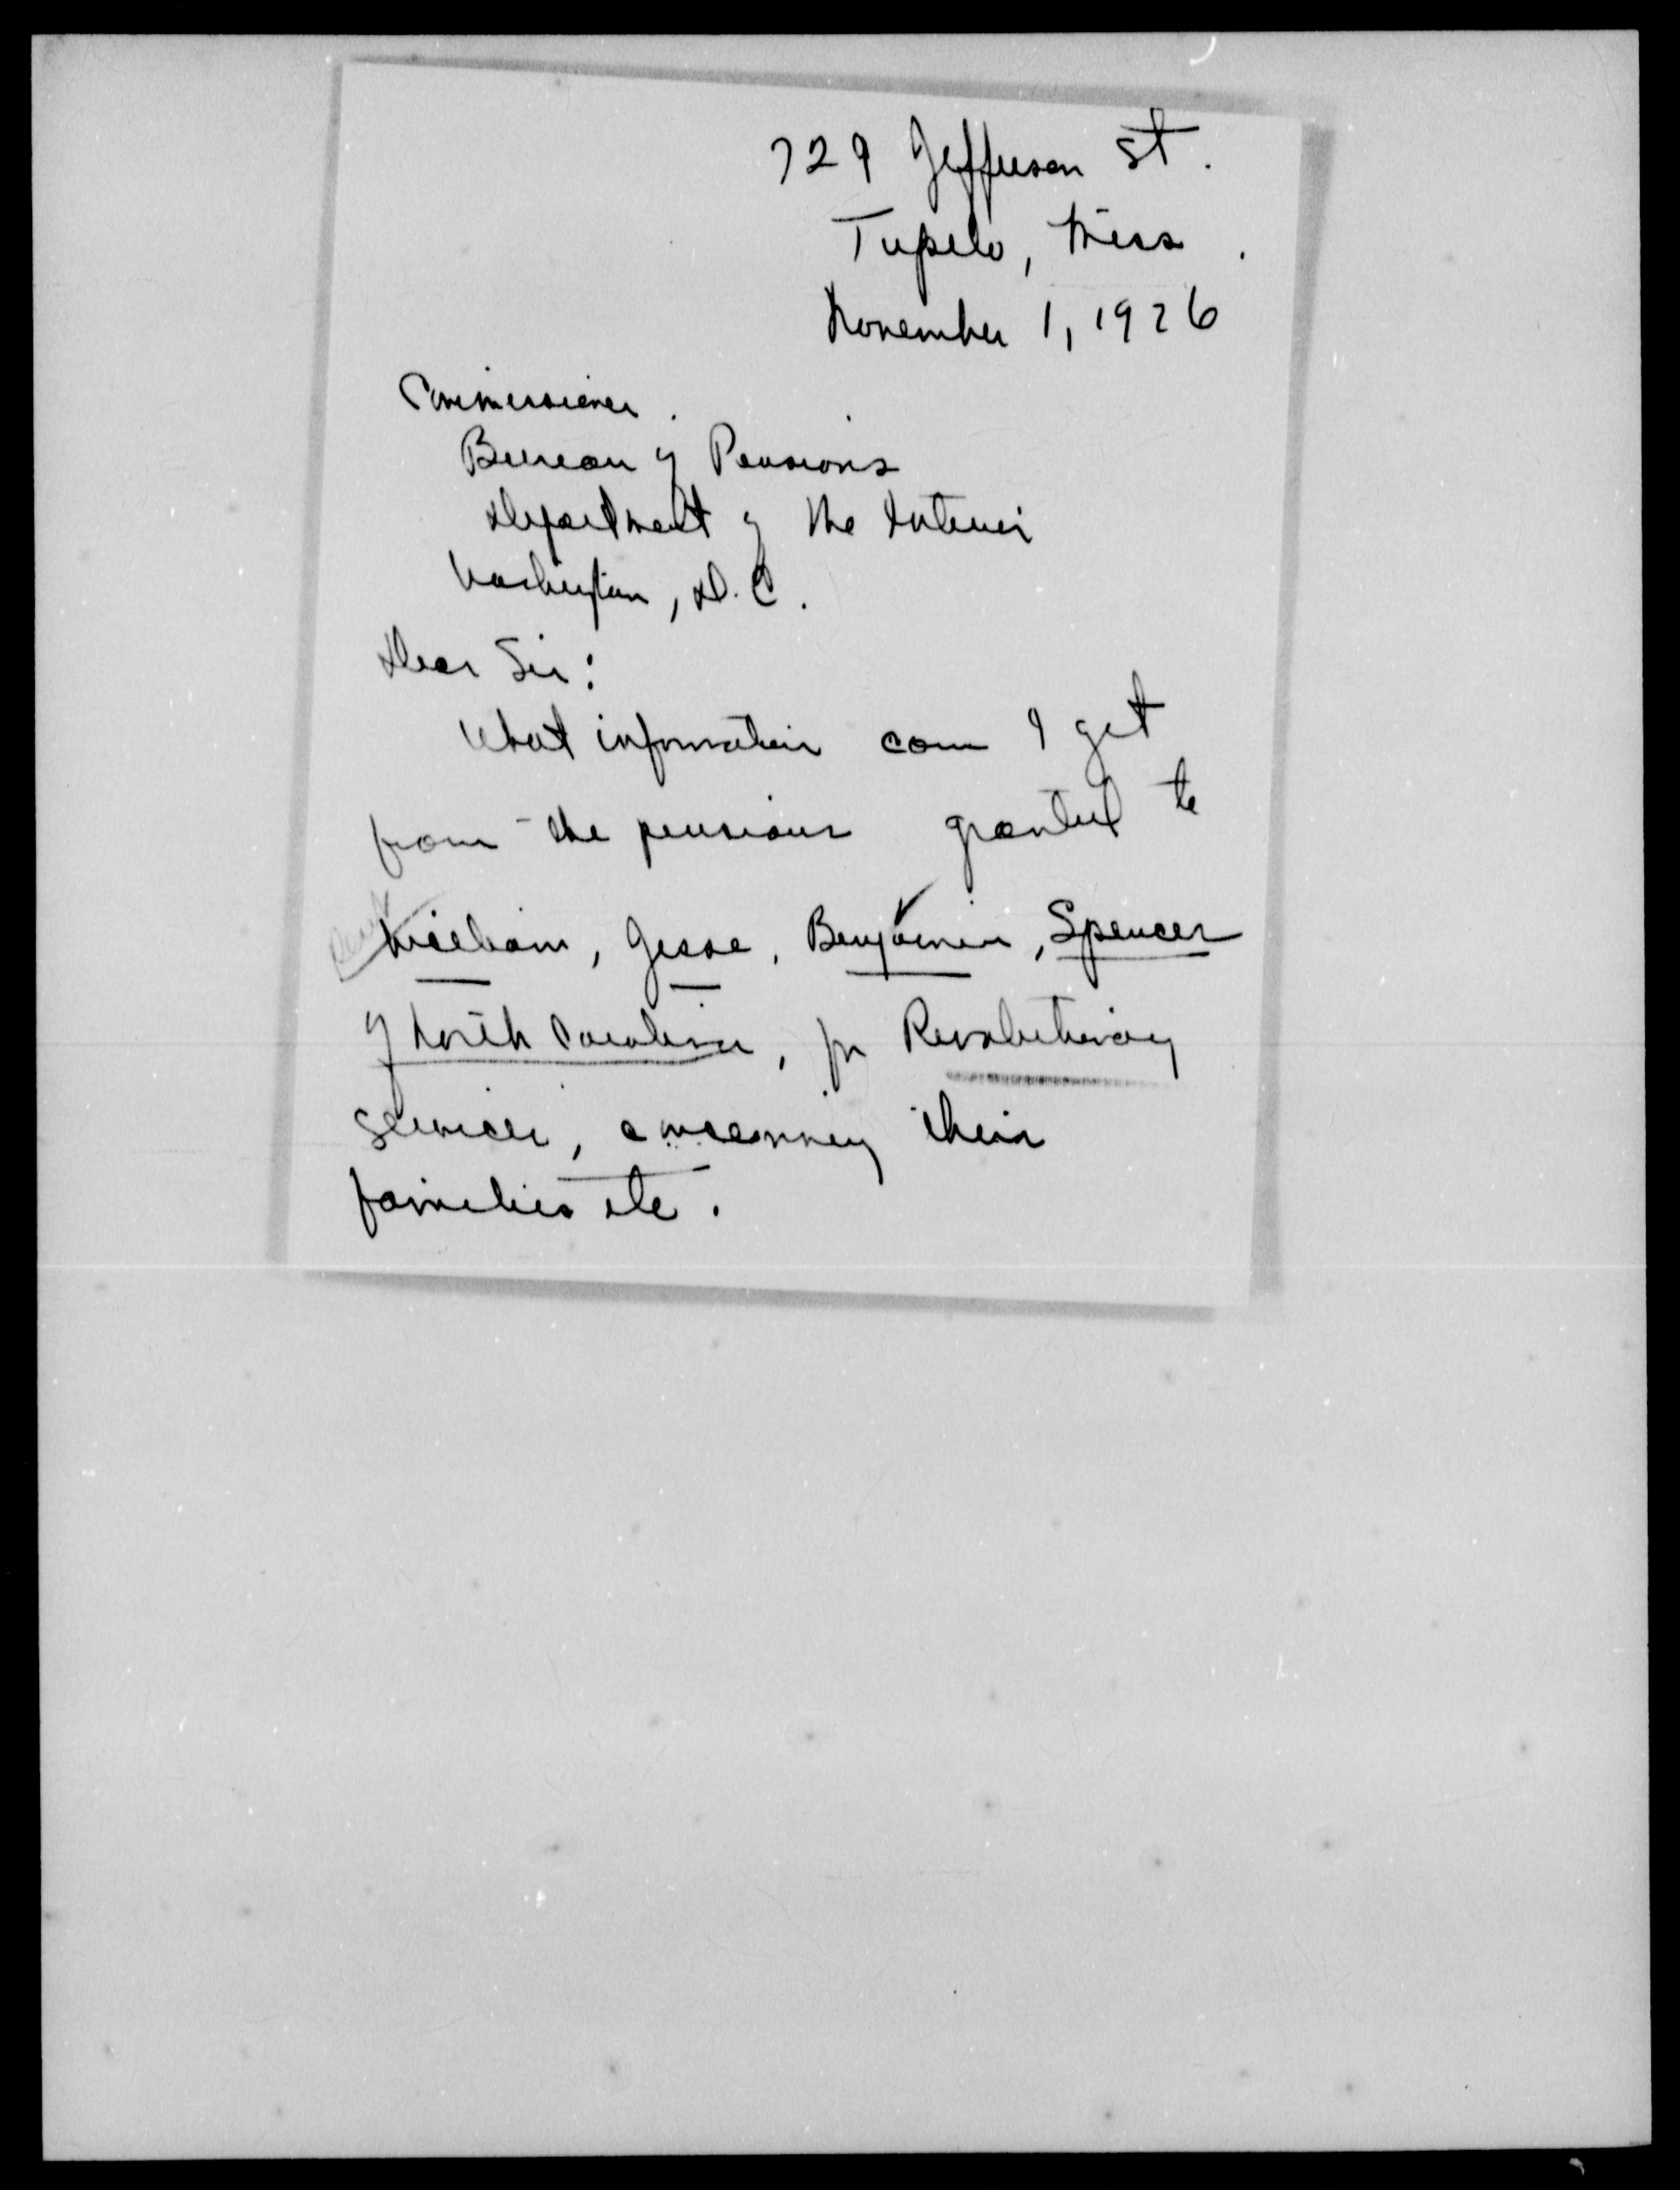29 Jefferson St.
Tupelo, Miss.
November 1, 1926
Commissioner
Bureau of Pensions
Department of the Interior
Washington, D.C.

Dear Sir:
what information com I get
from
the pension granted
to
William, Jesse, Benjamin Spencer
of North Carolina Revolutionary
service, [illegible] their families etc.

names: [BLANK] Spencer; Jesse [BLANK]; William [BLANK]; Benjamin [BLANK]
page: 25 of 63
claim: widow's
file: W. 6158, for Benjamin Spencer, North Carolina